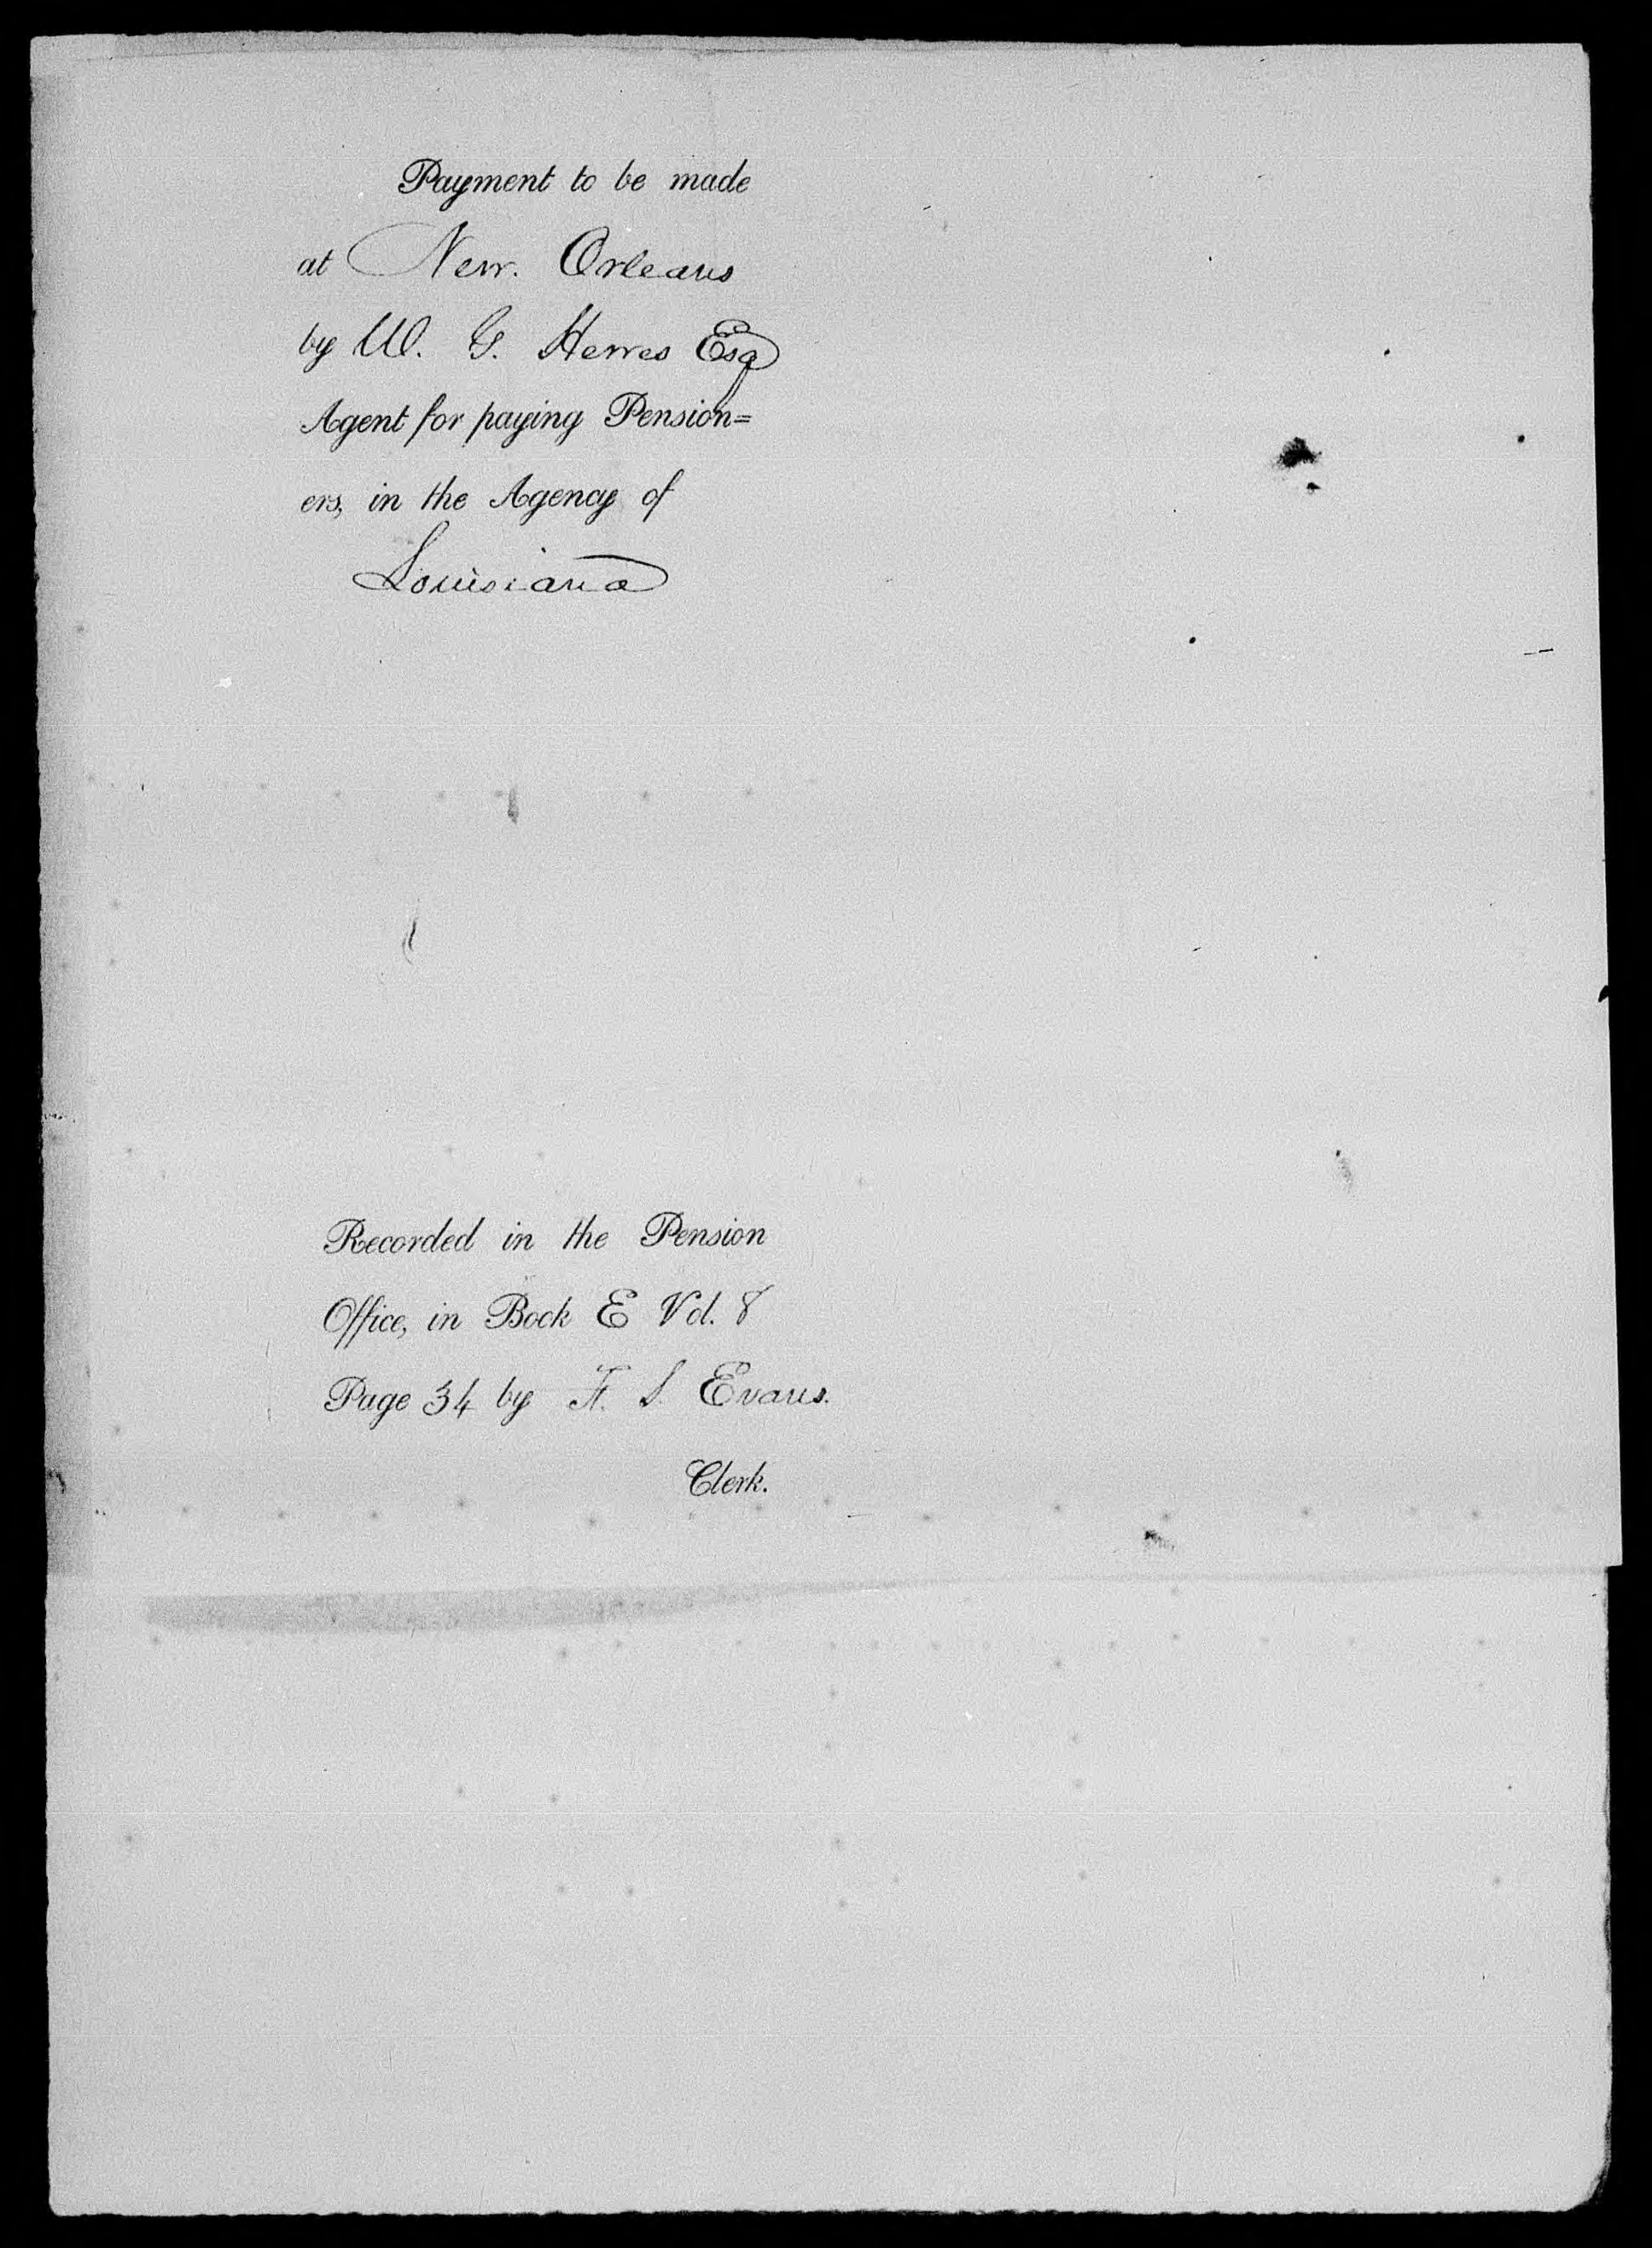Payment to be made at New Orleans by W. G. Hewes Esq
Agent for paying Pensioners, in the Agency of Louisiana

Recorded in the Pension Office, 
in Book E Vol. 8 Page 34 
by F. S. Evans Clerk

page: 38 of 54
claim: survivor's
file: S. 31166, for Thomas Jackson, South Carolina